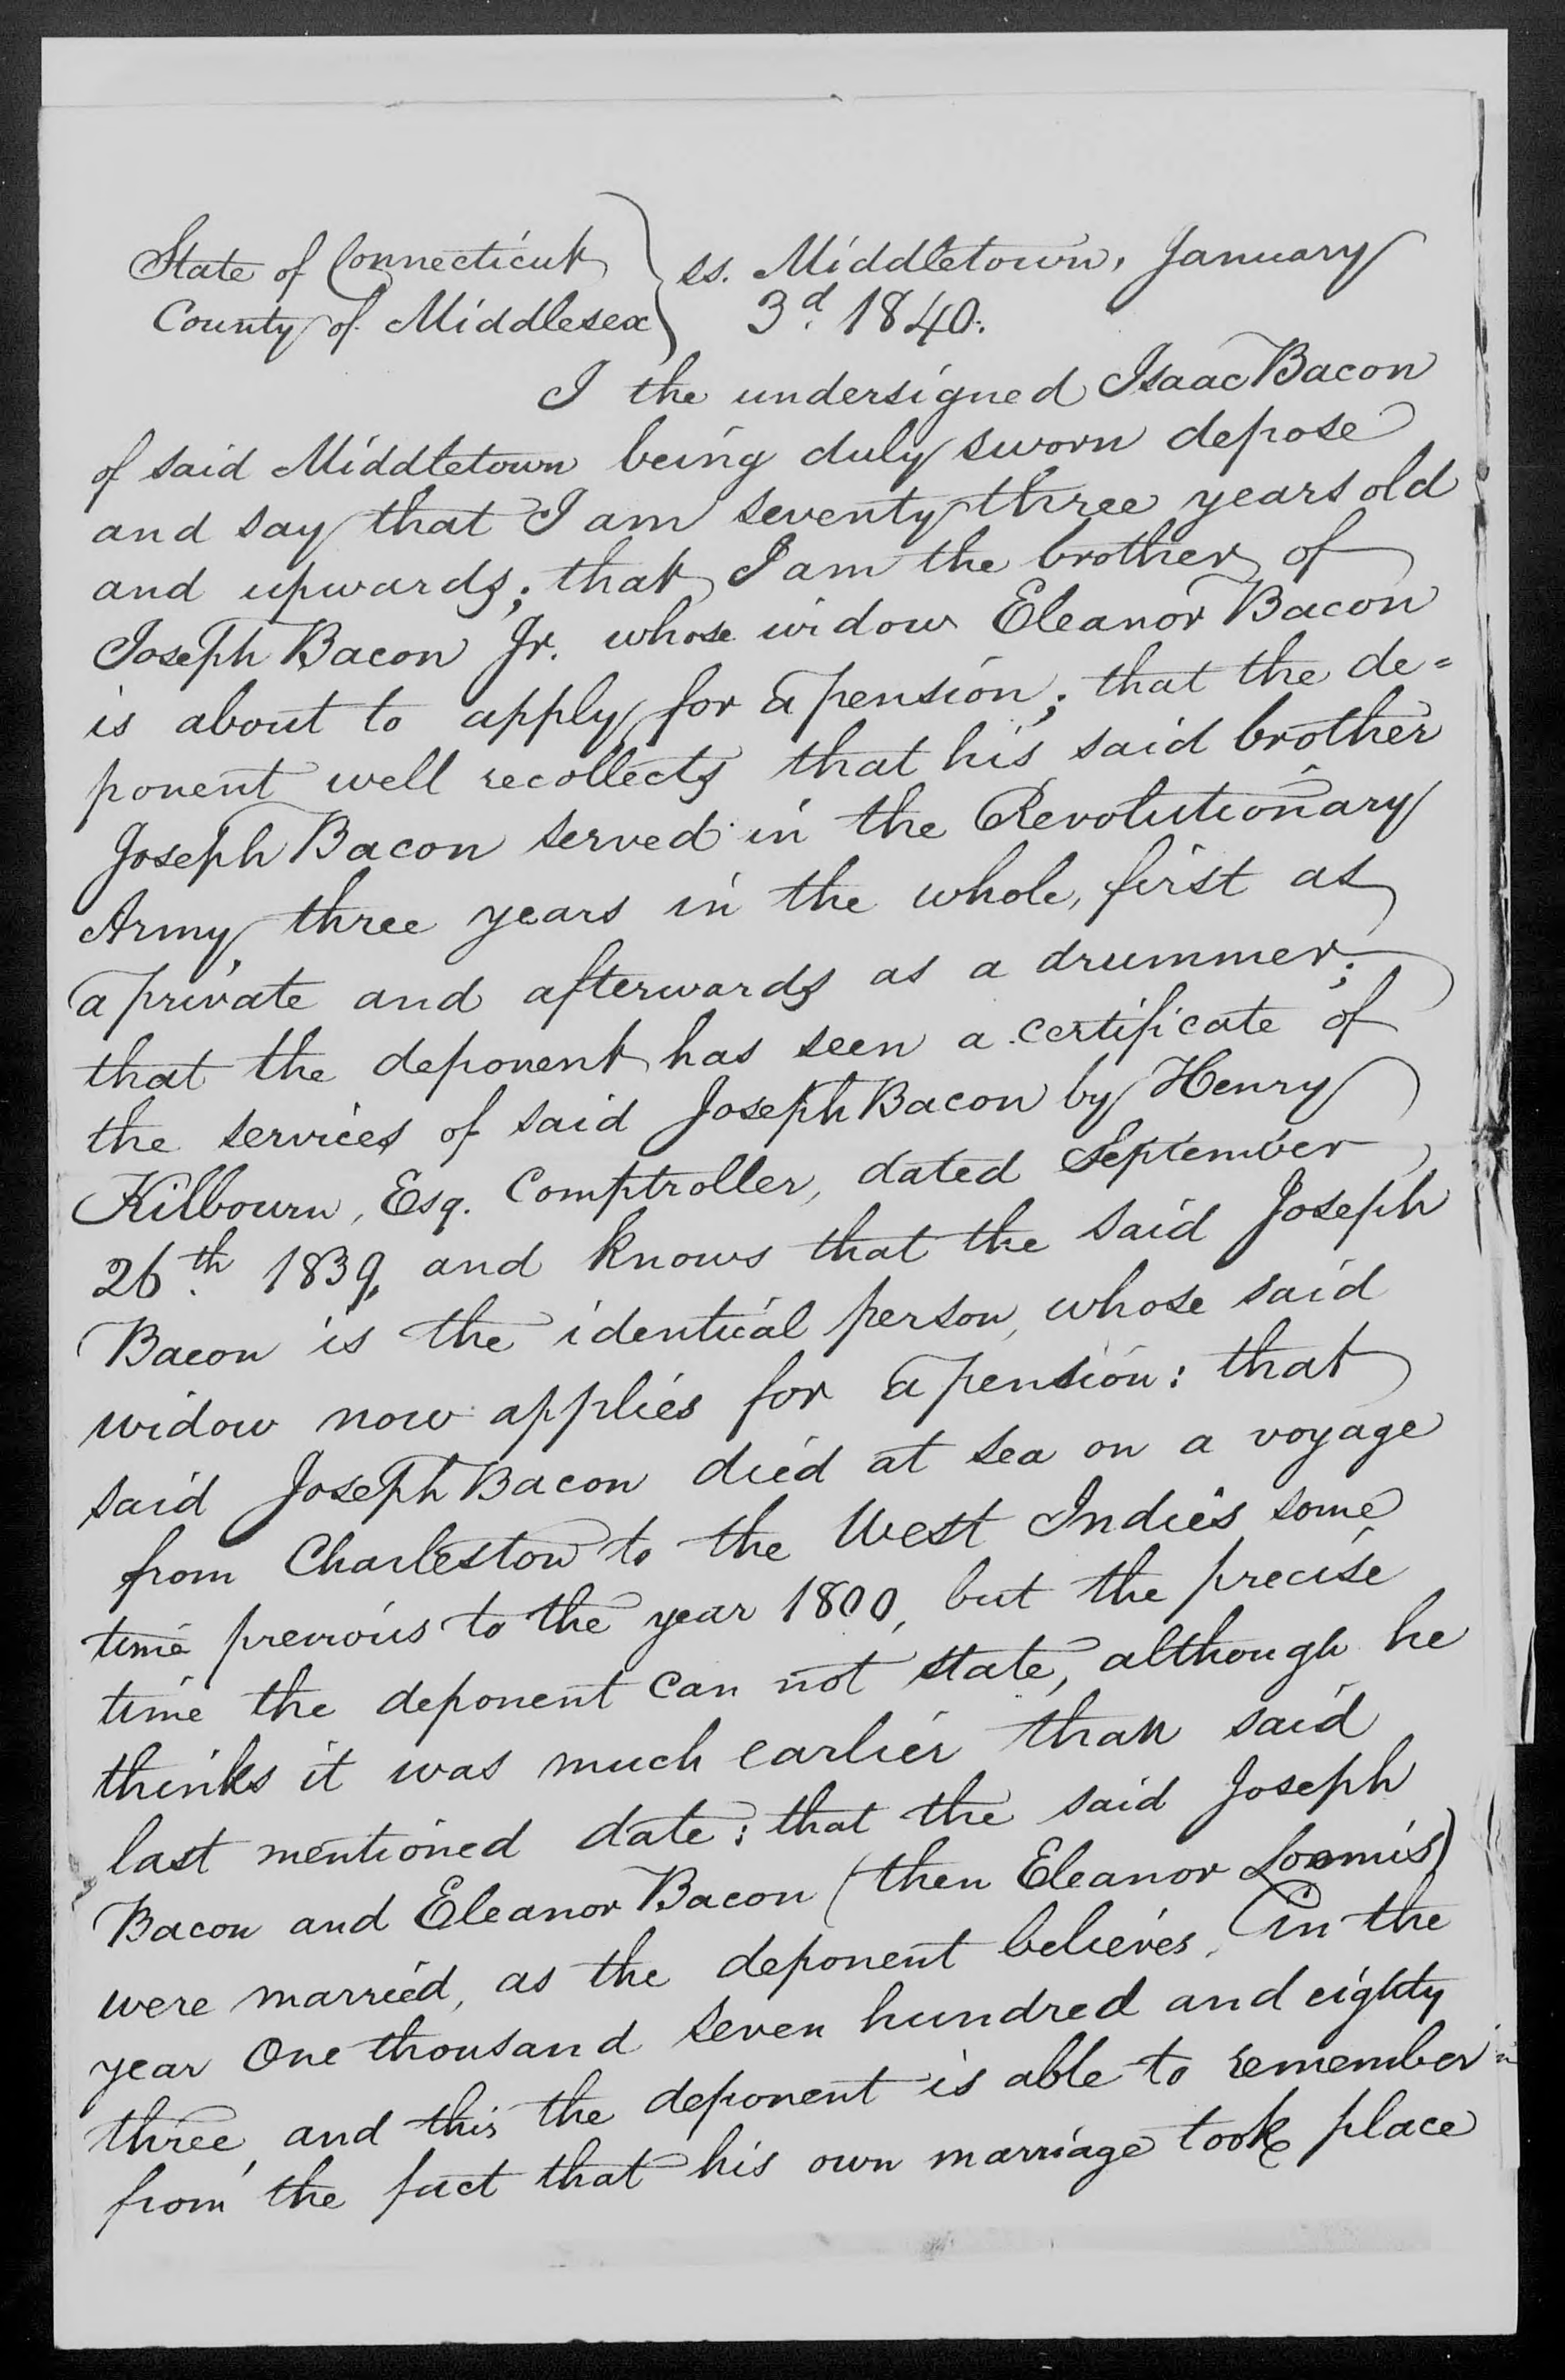"State of Connecticut}
County of Middlesex}
ss. (namely) Middletown, 
January 3rd, 1840"

"I the undersigned Isaac Bacon of said Middletown being duly sworn depose and say that I am Seventy three years old and upwards; that I am the brother of Joseph Bacon Jr. whose widow Eleanor Bacon is about to apply for a pension; that the deponent well recollects that his said brother Joseph Bacon served in the Revolutionary Army three years in the whole, first as a private and afterwards as a drummer; that the deponent has seen a certificate of the services of said Joseph Bacon by Henry Kilbourn, Esq. Comptroller, dated September 26th, 1839, and knows that the said Joseph Bacon is the identical person whose said widow now applies for a pension: that said Joseph Bacon died at Sea on a voyage from Charleston to the West Indies some time previous to the year 1800, but the precise time the deponent can not state, although he thinks it was much earlier than said last mentioned date: that the said Joseph Bacon and Eleanor Bacon (then Eleanor Loomis) were married, as the deponent believes in the year One thousand Seven hundred and eighty three, and this the deponent is able to remember from the fact that his own marriage took place"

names: Joseph Bacon, Eleanor Bacon, Joseph Bacon, Isaac Bacon, Joseph Bacon, Henry Kilbourn, Eleanor Bacon, Joseph Bacon, Joseph Bacon, Eleanor Loomis, Joseph Bacon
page: 6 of 24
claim: widow's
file: W. 25190, Joseph Bacon, Continental (Conn)